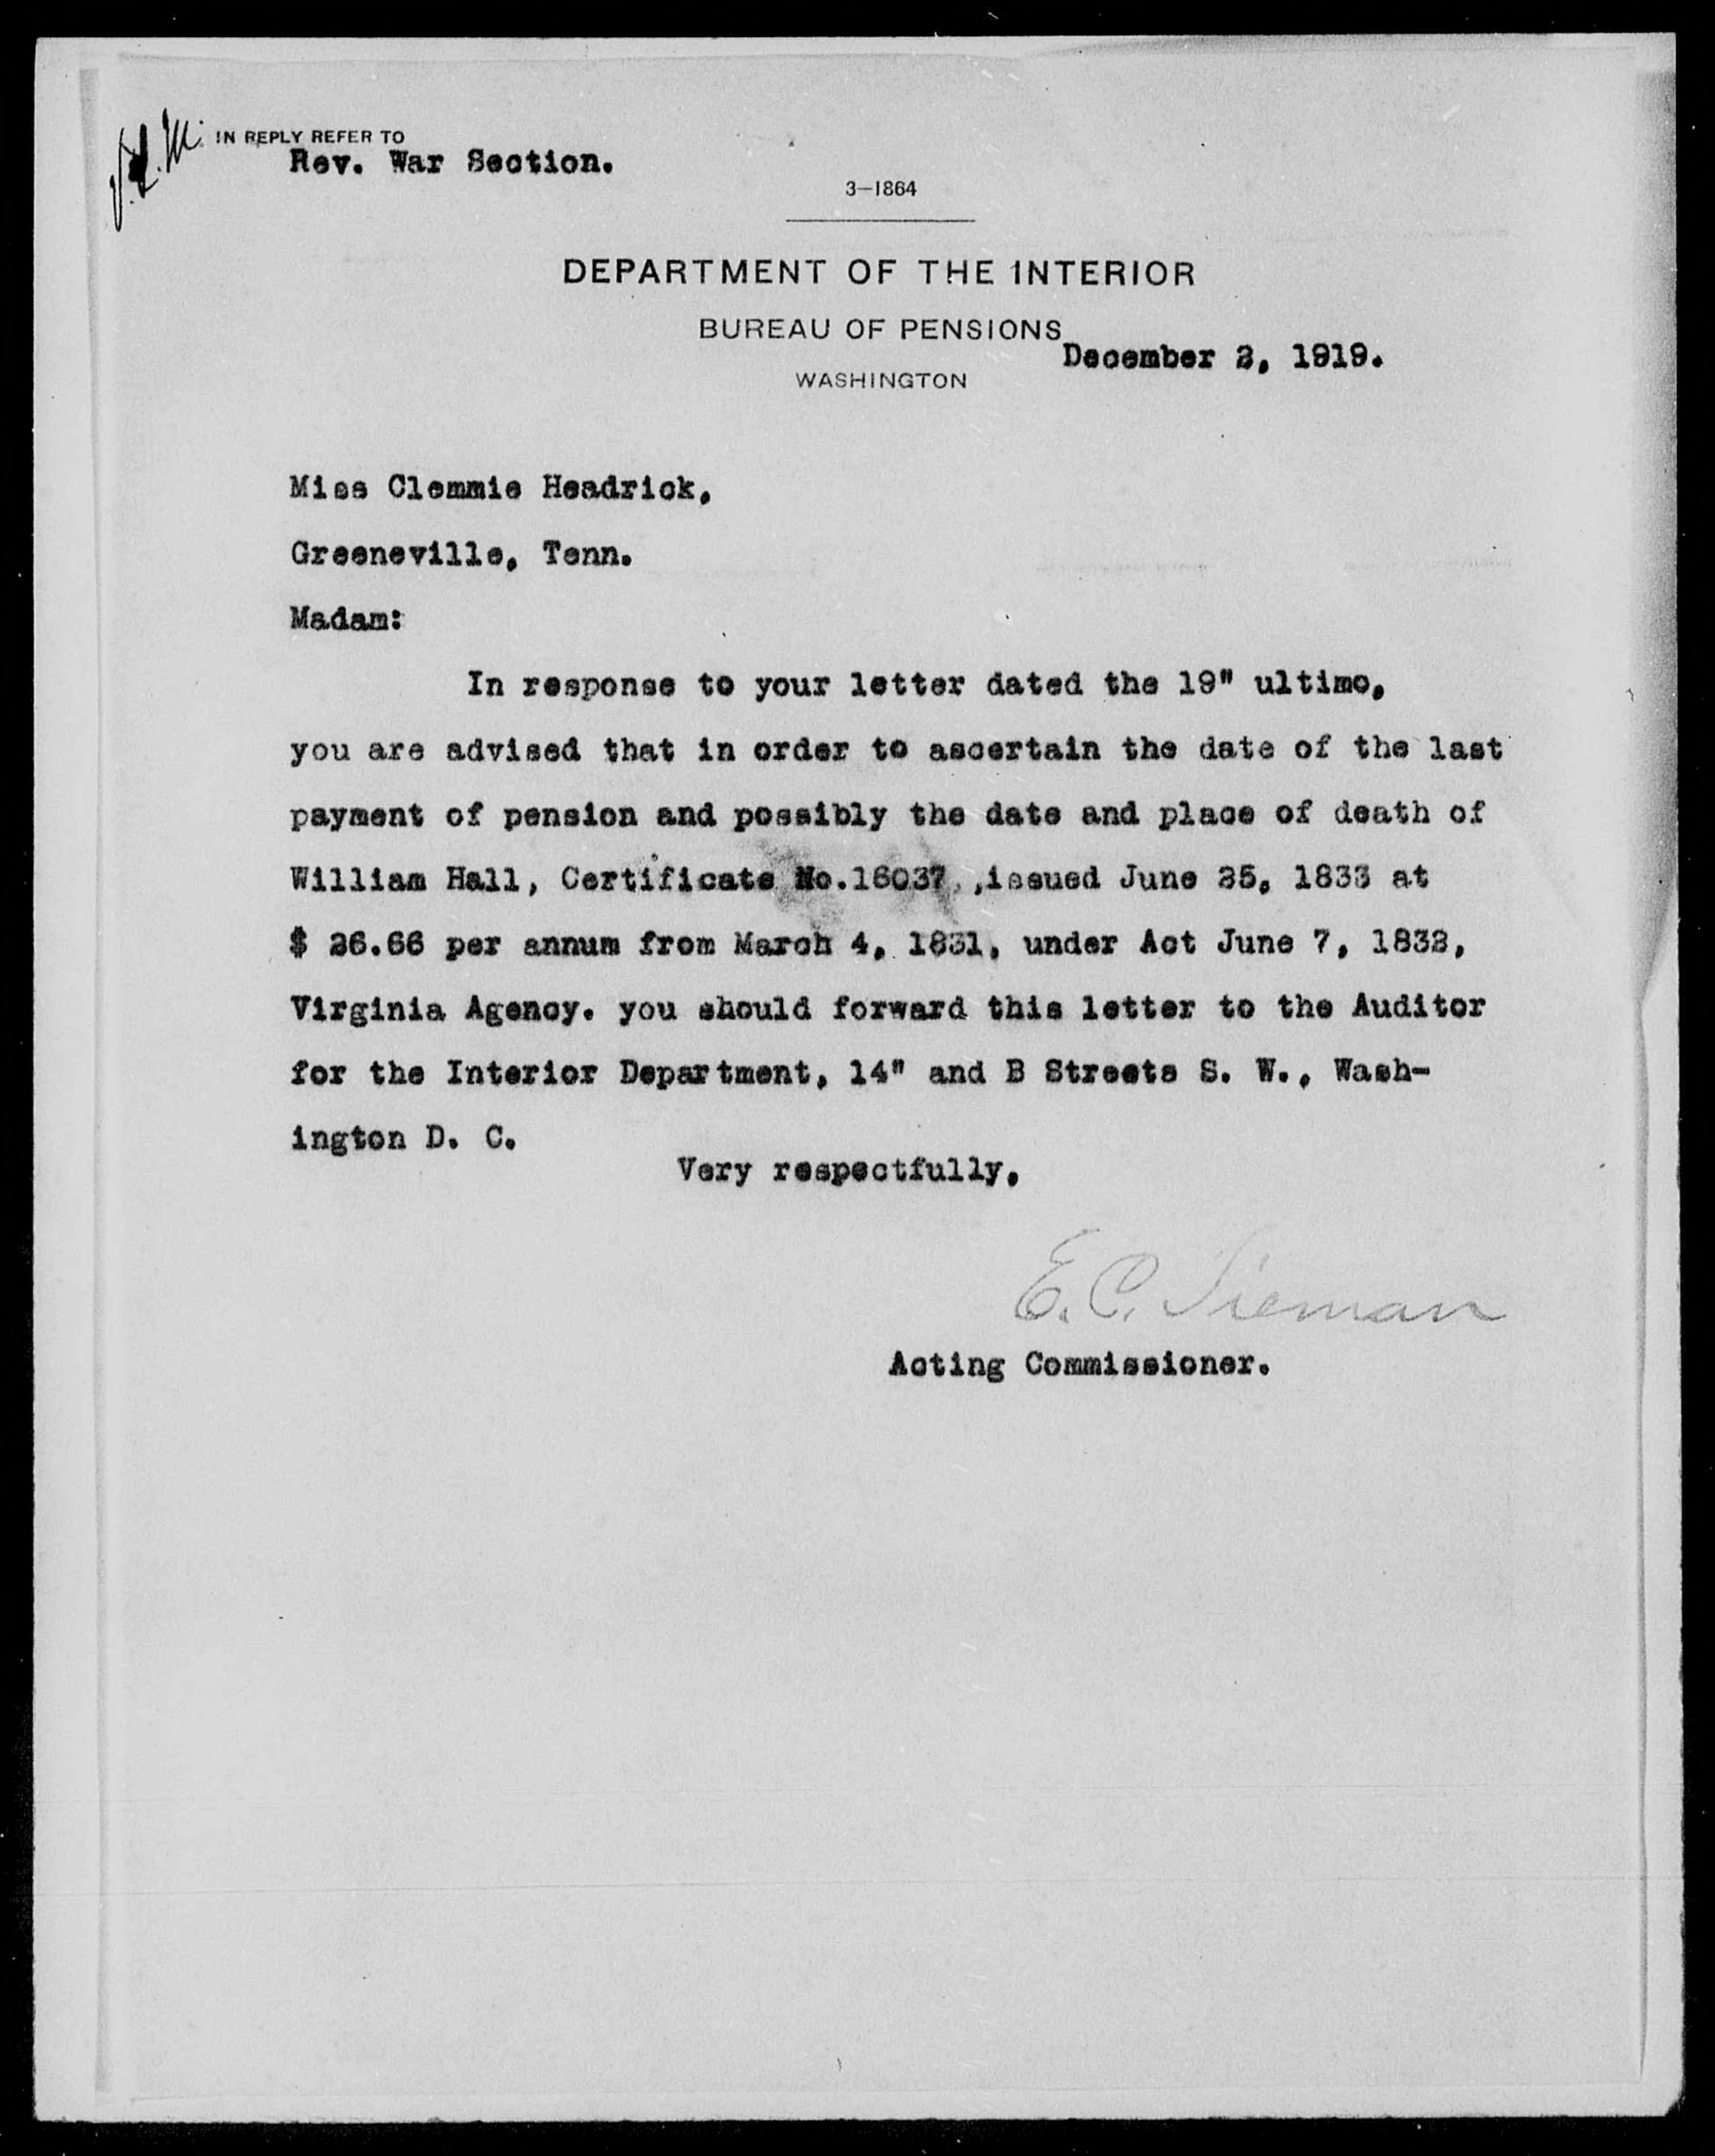V. [illegible] M.
IN REPLY REFER TO
Rev. War Section.
3 - 1864
DEPARTMENT OF THE INTERIOR
BUREAU OF PENSIONS
WASHINGTON

December 2, 1919.

Miss Clemmie Headrick,
Greeneville, Tenn.
Madam;
In response to your letter dated the 19" ultimo, you are advised that in order to ascertain the date of the last payment of pension and possibly the date and place of death of
William Hall, Certificate No. 16037, issued June 25, 1833 at $26.66 per annum from March 4, 1831, under Act June 7, 1832, Virginia Agency, you should forward this letter to the Auditor
for the Interior Department, 14" and B Streets S.W., Washington D.C.
Very respectfully,
E. C. Freman
Acting Commissioner.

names: E C Freman, Clemmie Headrick, William Hall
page: 13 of 15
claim: survivor's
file: S. 5475, William Hall, Va.